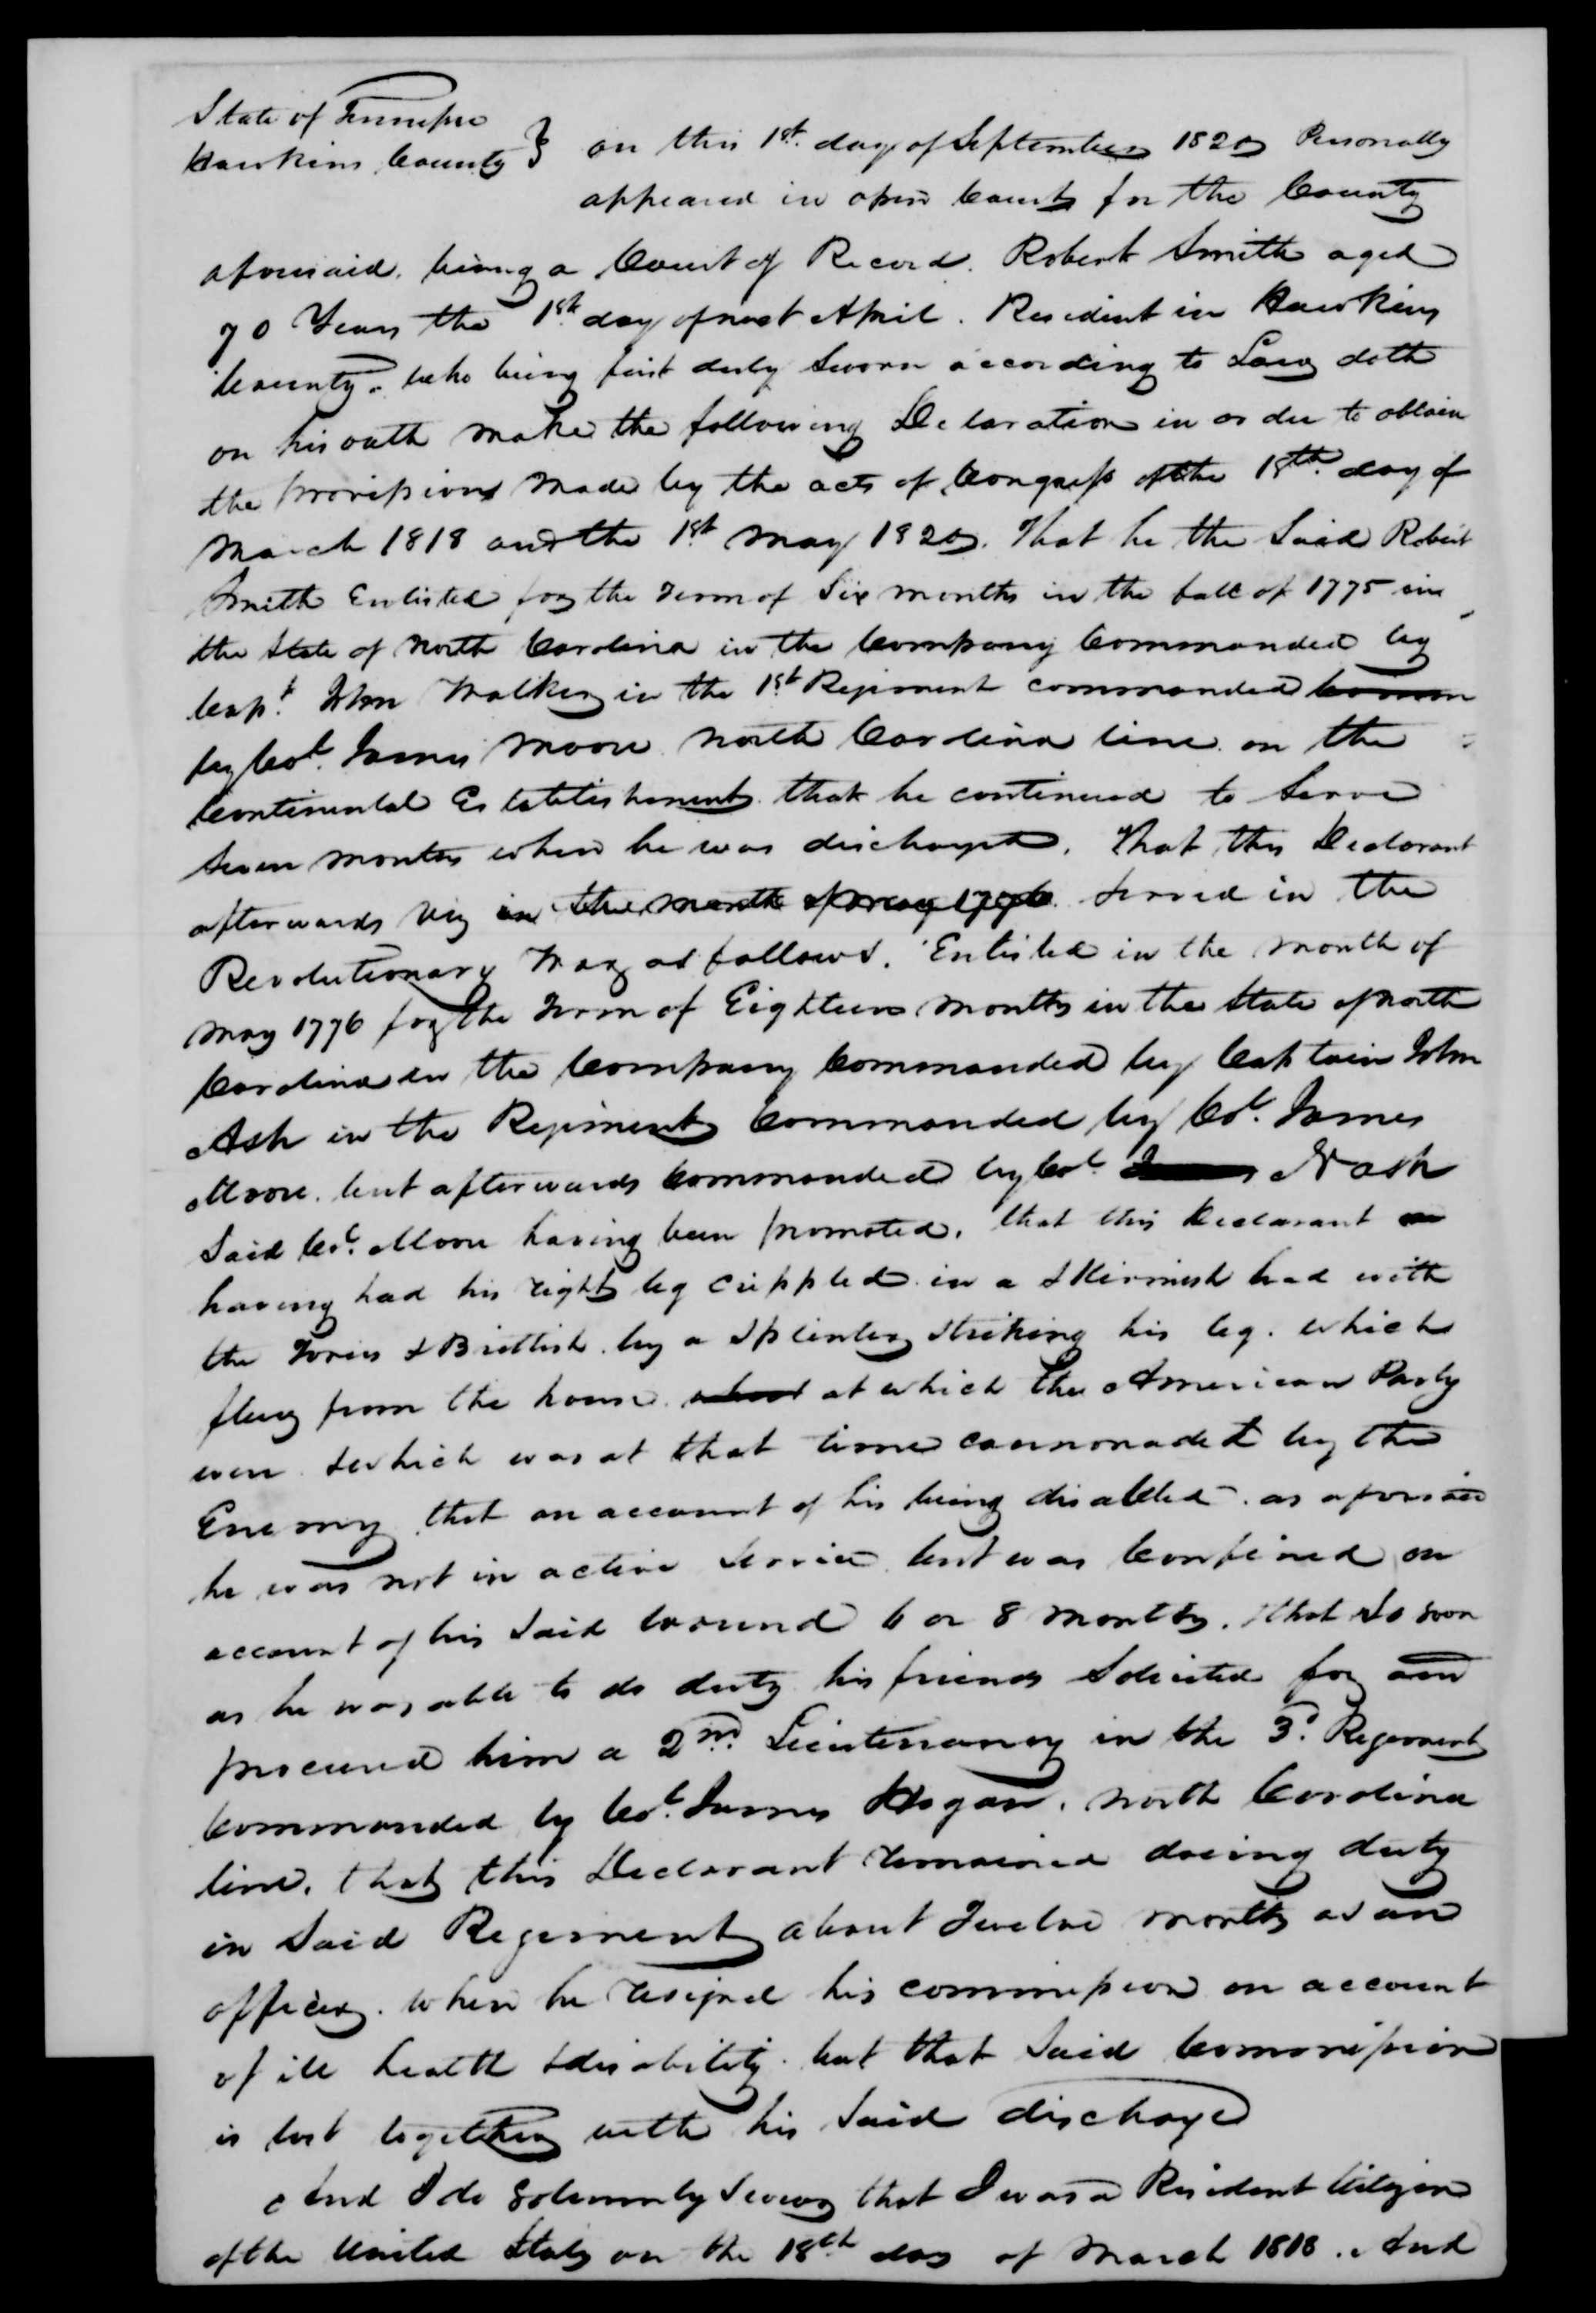State of Tennessee
Hawkins County } On this 1st day of September 1820 personally appeared in open court for the county aforesaid being a court of record Robert Smith aged 70 years the 18th day of next April Resident in Hawkins County who being first duly sworn according to law doth on his oath make the following Declaration in order to obtain the provisions made by the act of Congress of the 18th day of March 1818 and the 1st May 1820 that he the said Robert Smith enlisted for the term of six months in the fall of 1775 in the state of North Carolina in the company commanded by capt John Walker in the 1st regiment commanded by Col James Moore North Carolina line in the Continental Establishment that he continued to serve seven months when he was discharged that this declarant afterwards viz [crossed out the month of May 1776] served in the revolutionary war as follows Enlisted in the month of May 1776 for the term of eighteen months in the state of North Carolina in the company commanded by captain John Ash [John Ashe Jr.] in the Regiment Commanded by Col James Moore but afterwards commanded by Col [Francis] Nash said Col Moore having been promoted that this declarant having had his right leg crippled in a skirmish had with the Tories & British by a splinter striking his leg which flew from the house at which the American party even & which was at that time commanded by the Enemy that an account of his being disabled as aforesaid he was not in active service but was confined on account of his said wound 6 or 8 months that so soon as he was able to do duty his friends solicited for and procured him a 2nd Lieutenancy in the 3d Regiment commanded by Col James Hogan [Hogun] North Carolina line that this declarant remained during duty in said regiment about twelve months as an officer when he resigned his commission on account of ill health & disability but that said commission is lost together with his said discharge
And I do solemnly swear that I was a resident citizen of the United States on the 18th day of March 1818 And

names: [BLANK] Moore; James Moore; John Walker; James Hogan; Robert Smith; [BLANK] Nash; John Ash; Robert Smith; James Moore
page: 16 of 79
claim: widow's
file: W. 1504, for Robert Smith, North Carolina